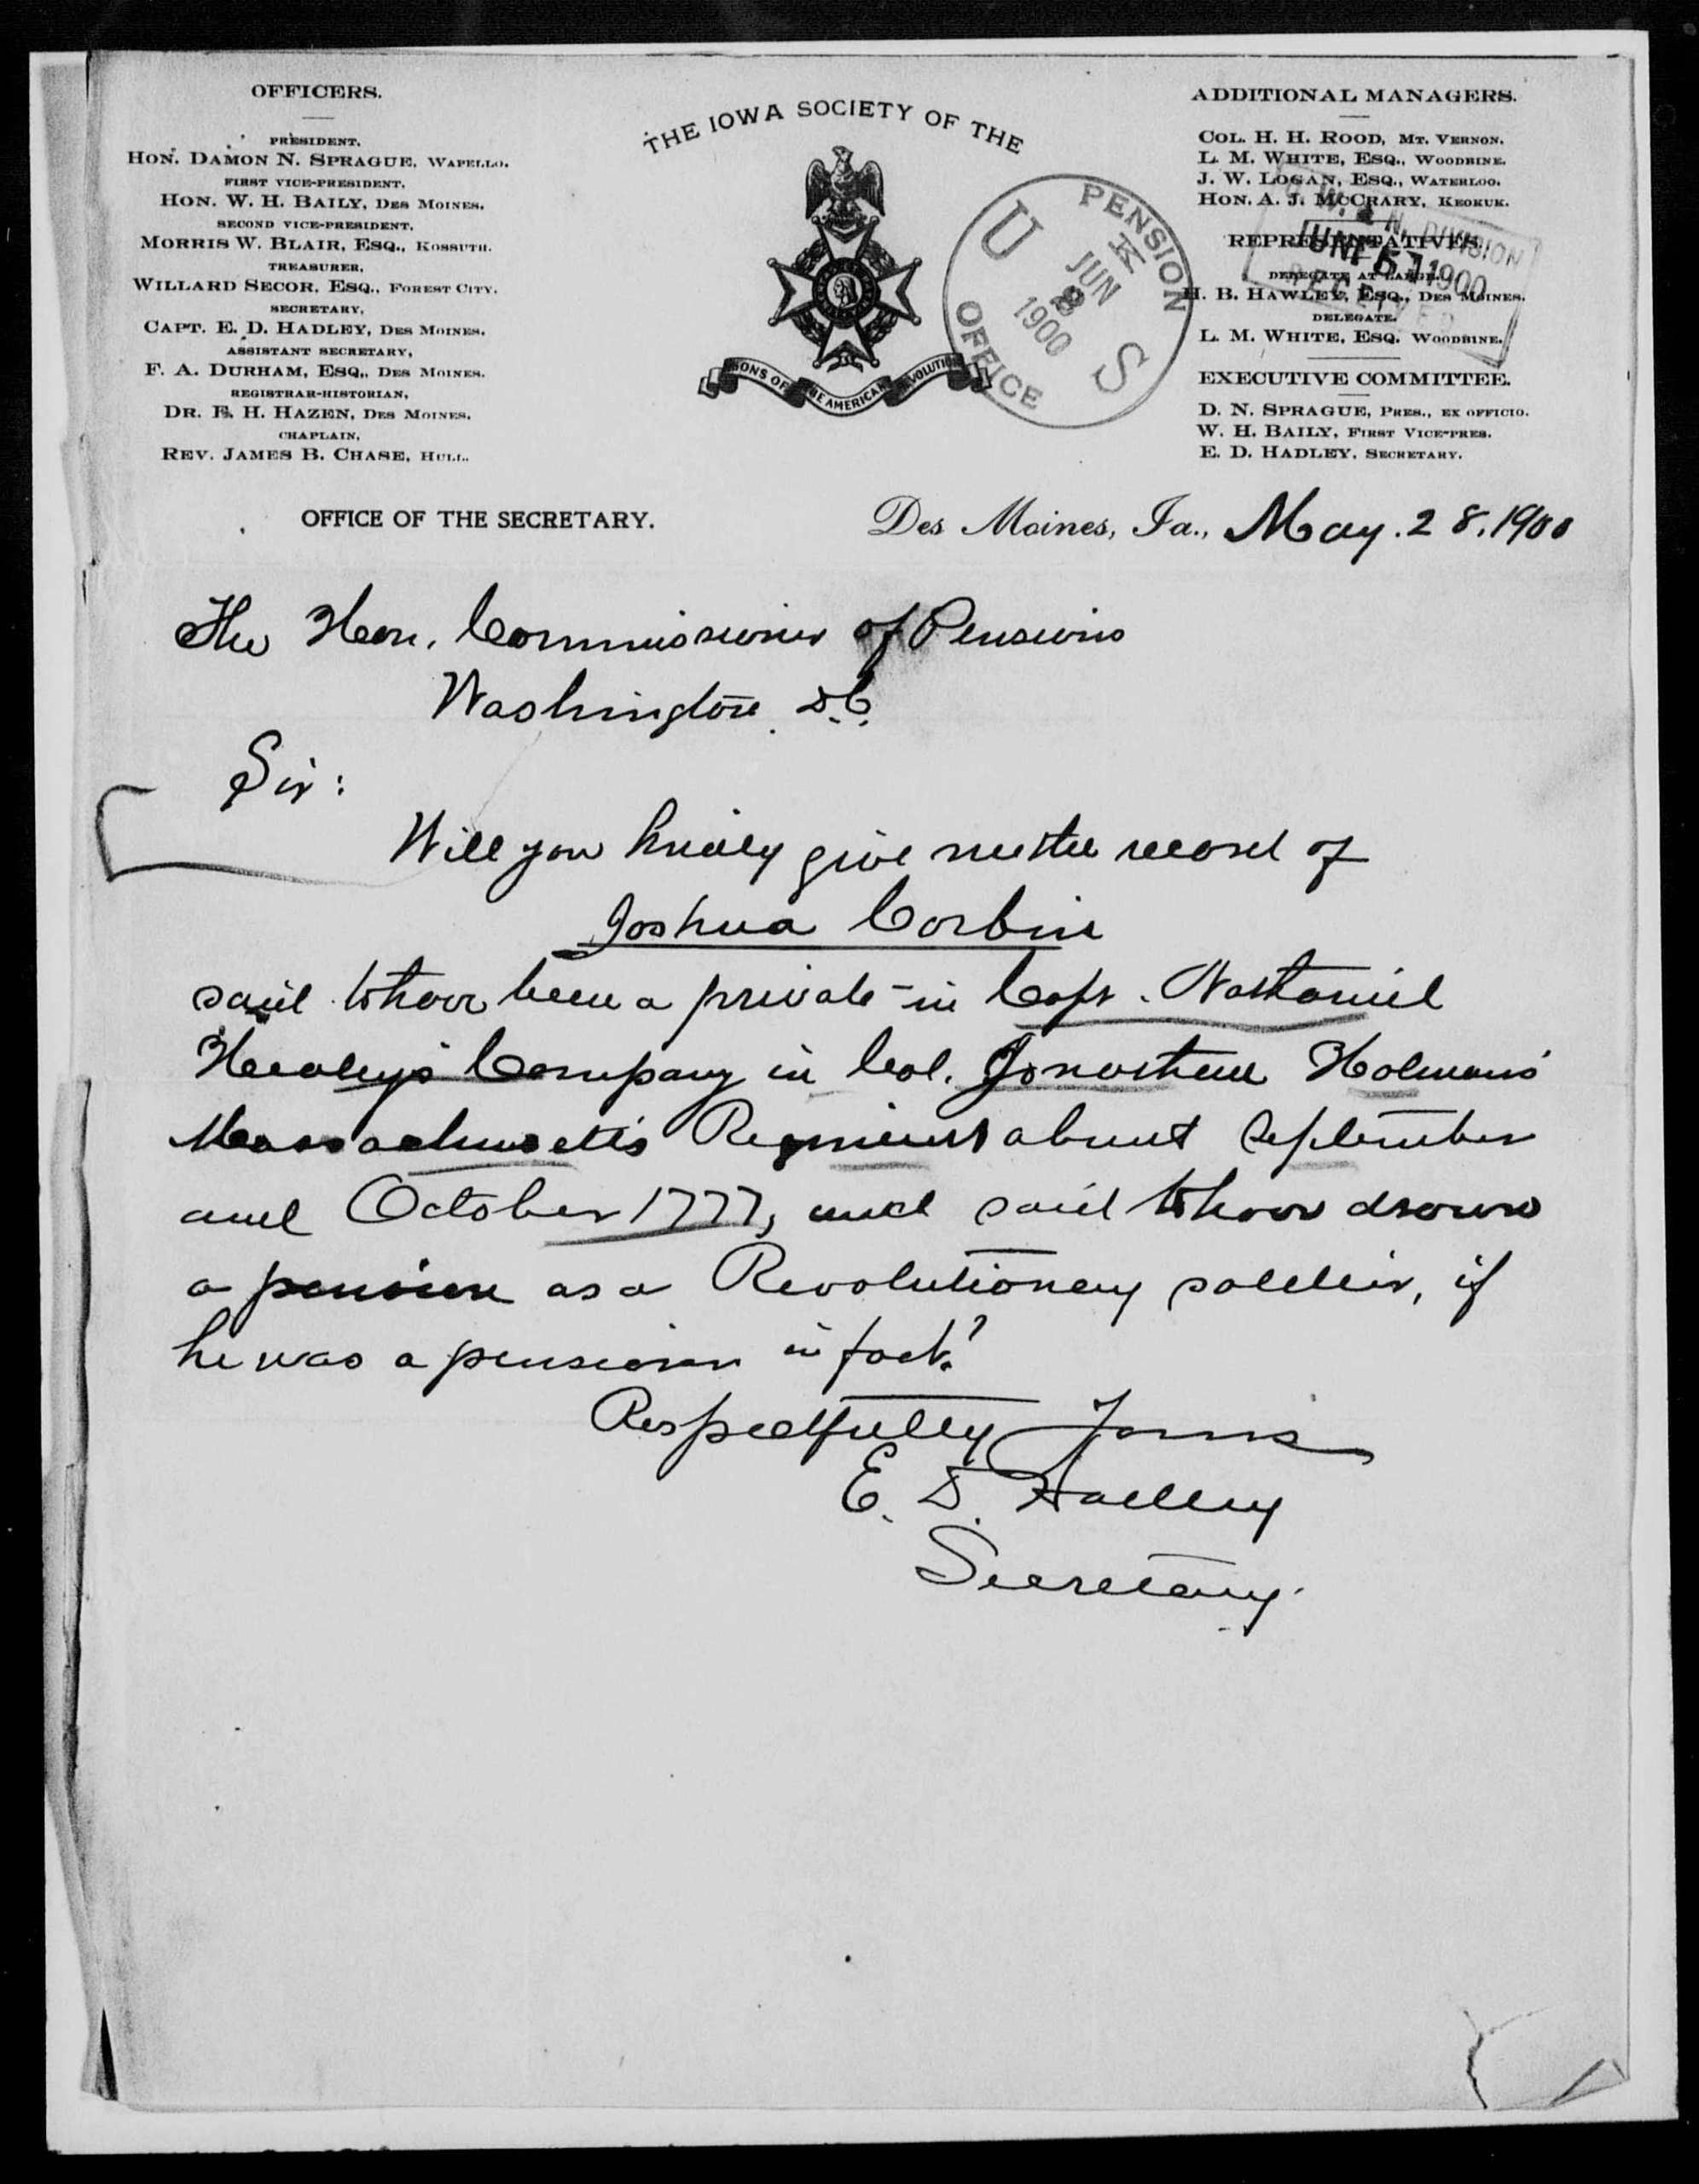OFFICERS
PRESIDENT, HON. DAMON N. SPRAGUE, WAPELLO.  FIRST VICE-PRESIDENT, HON. W. H. BAILY, DES MOINES. SECOND VICE-PRESIDENT, MORRIS W. BLAIR, ESQ., KOSSUTH. TREASURERER, WILLARD SECOR, ESQ., FOREST CITY. SECRETARY, CAPT. E. D. HADLEY, DES MOINES.  ASSISTANT SECRETARY, F.A DURHAM, ESQ., DES MOINES. REGISTRAR-HISTORIAN, DR. F. H. HAZEN, DES MOINES. CHAPLAN, REV. JAMES B. CHASE, HULL.
Stamp     The Iowa Society of the Sons of the American Revolution
Stamp     U S Pension Office Jun 8, 1900
ADDITIONAL MANAGERS. COL. H.H. ROOD, MT. VERNON.  L.M. WHITE, ESQ., WOODBINE.  J.W. LOGAN, ESQ., WATERLOO.  HON. A.J. MCCRARY, KEOKUK.   REPRESENTATIVES. DELEGATE AT LARGE. H.B. HAWLEY, ESQ., DES MOINES. DELEGATE. L.M. WHITE, ESQ., WOODBINE. EXECUTIVE COMMITTEE.  D.N. SPRAGUE, PRES., EX OFFICIO.  W.H. BAILEY, FIRST VICE-PRES.  E.D. HADLEY, SECRETARY.
STAMP  (illegible) DIVISION  JUNE 5, 1900 RECEIVED
OFFICE OF SECRETARY  Des Moines, Ia., May. 28. 1900
The Hon. Commissioner of Pensions Washington D.C.
Sir:  Will you kindly give muster record of Joshua Corbin said to have been a private in Capt. Nathaniel Healey's Company in Col. Jonathan Holman's Massachusetts Regiment about September and October 1777, and said to have drawn a pension as a Revolutionary soldier, if he was a pensioner in fact? Respectfully Yours E.D. Hadley Secretary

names: A J Mc Crary, F A Durham, L M White, H H Rood, E D Hadley, Joshua Corbin, E D Hadley, L M White, W H Baily, Willard Secor, W H Baily, James B Chase, E H Hazen, H B Hawley, J W Logan, Damon N Sprague, E D Hadley, D N Sprague, Morris W Blair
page: 27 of 34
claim: survivor's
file: S. 12581, Joshua Corbin, Mass.